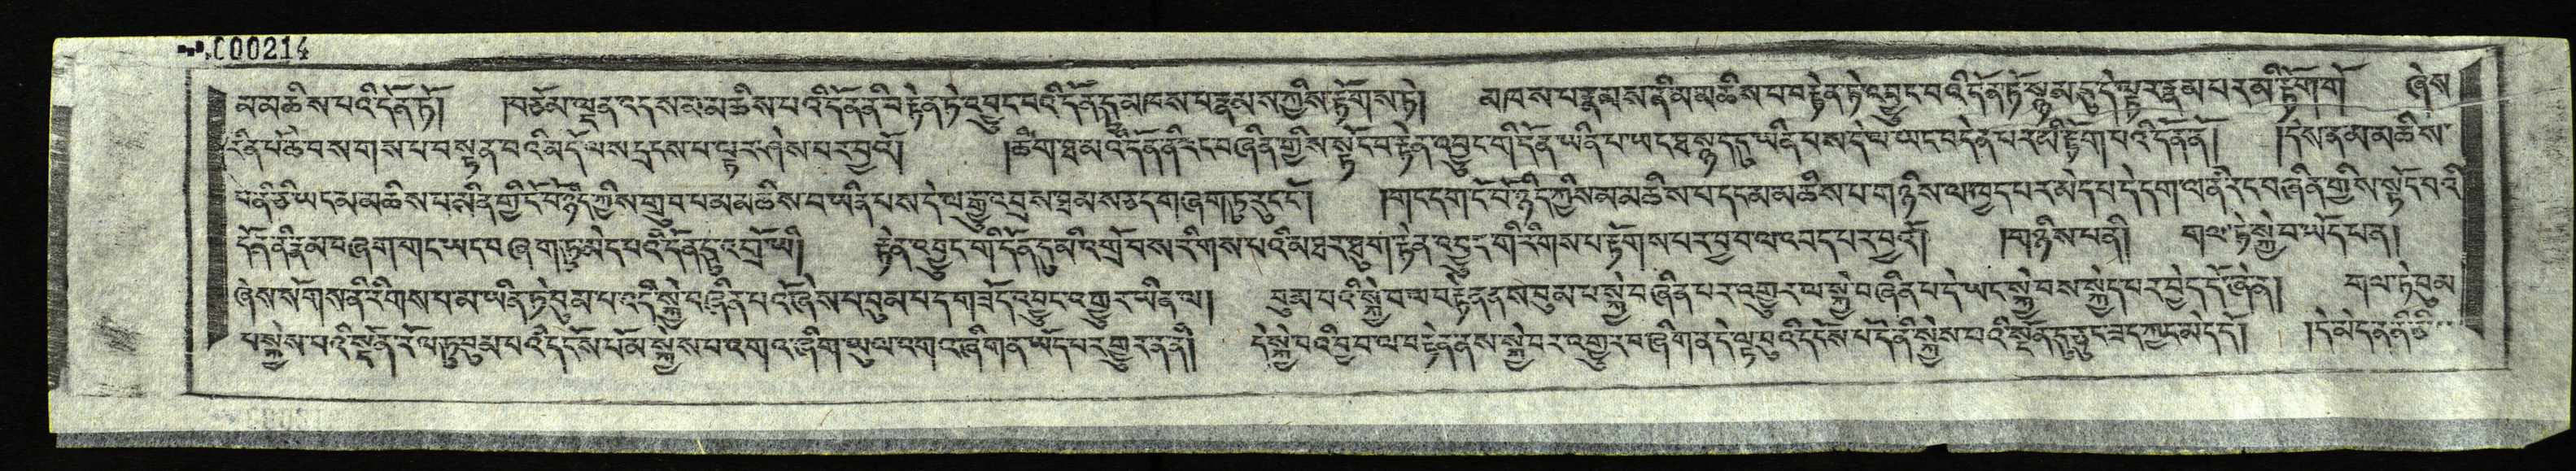མ་མཆིས་པའི་དོན་ཏོ། །བཅོམ་ལྡན་འདས་མ་མཆིས་པའི་དོན་ནི་བརྟེན་ཏེ་འབྱུང་བའི་དོན་དུ་མཁས་པ་རྣམས་ཀྱིས་རྟོགས་ཏེ། མཁས་པ་རྣམས་ནི་མ་མཆིས་པ་བརྟེན་ཏེ་འབྱུང་བའི་དོན་ཏོ་སྙམ་དུ་དེ་ལྟར་རྣམ་པར་མི་རྟོག་གོ་ཞེས་
རིན་པོ་ཆེ་བསགས་པ་བསྟན་པའི་མདོ་ལས་དྲངས་པ་ལྟར་ཤེས་པར་བྱའོ། །ཚིག་ཐ་མའི་དོན་ནི་རང་བཞིན་གྱིས་སྟོང་བ་རྟེན་འབྱུང་གི་དོན་ཡིན་པ་ཡང་ཐ་སྙད་དུ་ཡིན་པས་དེ་ལ་ཡང་བདེན་པར་མི་རྟོག་པའི་དོན་ནོ། །དེས་ནམ་མཆིས་
པ་ནི་ཅི་ཡང་མ་མཆིས་པ་མིན་གྱི་ངོ་བོ་ཉིད་ཀྱིས་གྲུབ་པ་མ་མཆིས་བ་ཡིན་པས་དེ་ལ་རྒྱུ་འབྲས་ཐམས་ཅད་གཞག་ཏུ་རུང་ངོ། །གང་དག་ངོ་བོ་ཉིད་ཀྱིས་མ་མཆིས་པ་དང་མ་མཆིས་པ་གཉིས་ལ་ཁྱད་པར་མེད་པ་དེ་དག་ལ་ནི་རང་བཞིན་གྱིས་སྟོང་བའི་
དོན་ནི་རྣམ་བཞག་གང་ཡང་བཞག་ཏུ་མེད་པའི་དོན་དུ་འགྲོ་ཡི། རྟེན་འབྱུང་གི་དོན་དུ་མི་འགྲོ་བས་རིགས་པའི་མཐར་ཐུག་རྟེན་འབྱུང་གི་རིགས་པ་རྟོགས་པར་བྱ་བ་ལ་འབད་པར་བྱའོ། །གཉིས་པ་ནི། གལ་ཏེ་སྐྱེ་བ་ཡོད་པ་ན།
ཞེས་སོགས་ནི་རིགས་པ་མ་ཡིན་ཏེ་བུམ་པ་འདི་སྐྱེ་བཞིན་པའོ་ཞེས་པ་བུམ་པ་ད་གཟོད་འབྱུང་འགྱུར་ཡིན་ལ། བུམ་བའི་སྐྱེ་བ་ལ་བརྟེན་ནས་བུམ་པ་སྐྱེ་བཞིན་པར་འགྱུར་ལ་སྐྱེ་བཞིན་པ་དེ་ཡང་སྐྱེ་བས་སྐྱེད་པར་བྱེད་དོ་ཞེ་ན། གལ་ཏེ་བུམ་
པ་སྐྱེས་པའི་སྔོན་རོལ་ཏུ་བུམ་པའི་དངོས་པོ་མ་སྐྱེས་པ་འགའ་ཞིག་ཡུལ་འགའ་ཞིག་ན་ཡོད་པར་གྱུར་ན་ནི། དེ་སྐྱེ་བའི་བྱ་བ་ལ་བརྟེན་ནས་སྐྱེ་བར་འགྱུར་བ་ཞིག་ན་དེ་ལྟ་བུའི་དངོས་པོ་དེ་ནི་སྐྱེས་པའི་སྔོན་དུ་ཅུང་ཟད་ཀྱང་མེད་དོ། །དེ་མེད་ན་ནི་ཅི་